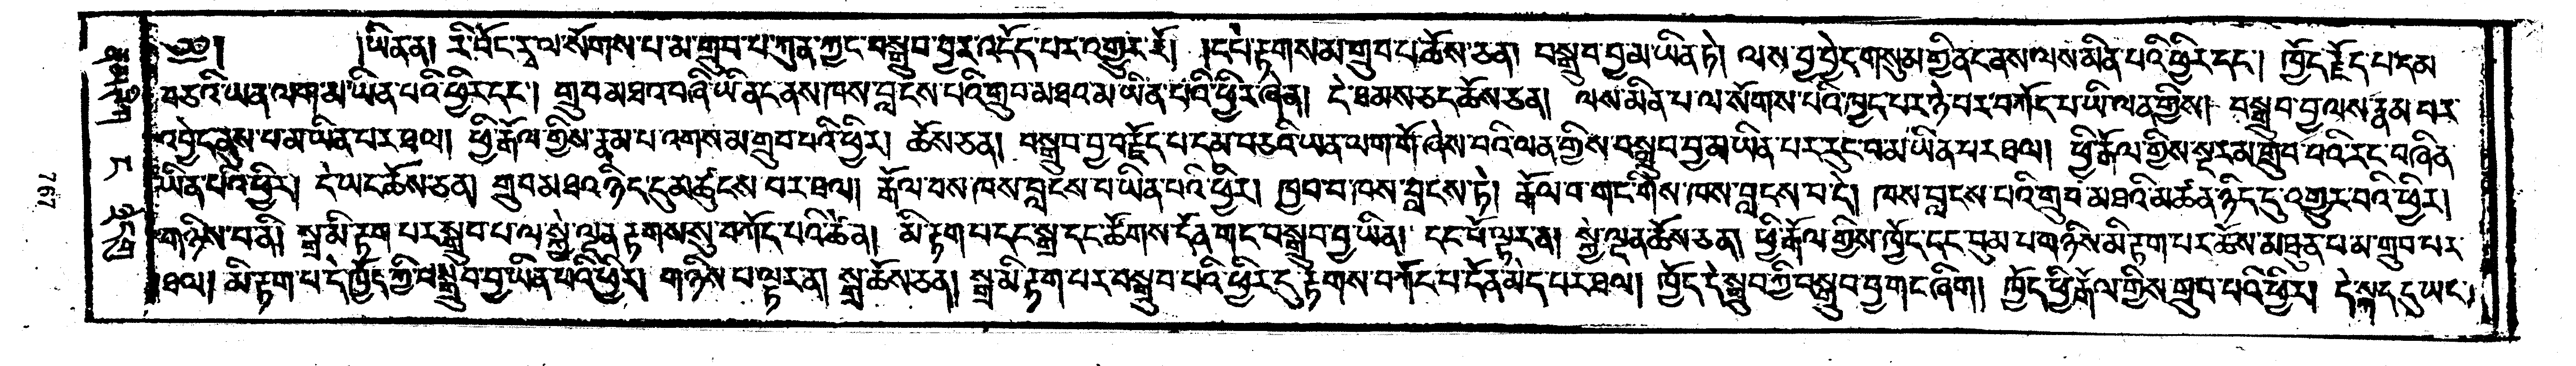༄༅། །ཡིན་ན། རི་བོང་རྭ་ལ་སོགས་པ་མ་གྲུབ་པ་ཀུན་ཀྱང་བསྒྲུབ་བྱར་འདོད་པར་འགྱུར་རོ། །དཔེ་རྟགས་མ་གྲུབ་པ་ཆོས་ཅན། བསྒྲུབ་བྱ་མ་ཡིན་ཏེ། ལས་བྱ་བྱེད་གསུམ་གྱི་ནང་ནས་ལས་མིན་པའི་ཕྱིར་དང་། ཁྱོད་རྗོད་པ་དམ་
བཅའི་ཡན་ལག་མ་ཡིན་པའི་ཕྱིར་དང་། གྲུབ་མཐའ་བཞི་ཡི་ནང་ནས་ཁས་བླངས་པའི་གྲུབ་མཐའ་མ་ཡིན་པའི་ཕྱིར་ཞེ་ན། དེ་ཐམས་ཅད་ཆོས་ཅན། ལས་མིན་པ་ལ་སོགས་པའི་ཁྱད་པར་ཉེ་བར་བཀོད་པ་ཡི་ལན་གྱིས། བསྒྲུབ་བྱ་ལས་རྣམ་པར་
འབྱེད་ནུས་པ་མ་ཡིན་པར་ཐལ། ཕྱི་རྒོལ་གྱིས་རྣམ་པ་འགས་མ་གྲུབ་པའི་ཕྱིར། ཆོས་ཅན། བསྒྲུབ་བྱ་བརྗོད་པ་དམ་བཅའི་ཡན་ལག་གོ་ཞེས་བའི་ལན་གྱིས་བསྒྲུབ་བྱ་མ་ཡིན་པར་རུང་བ་མ་ཡིན་པར་ཐལ། ཕྱི་རྒོལ་གྱིས་སྔར་མ་གྲུབ་པའི་རང་བཞིན་
ཡིན་པའི་ཕྱིར། དེ་ཡང་ཆོས་ཅན། གྲུབ་མཐའ་ཉིད་དུ་མཚུངས་པར་ཐལ། རྒོལ་བས་ཁས་བླངས་པ་ཡིན་པའི་ཕྱིར། ཁྱབ་པ་ཁས་བླངས་ཏེ། རྒོལ་བ་གང་གིས་ཁས་བླངས་པ་དེ། ཁས་བླངས་པའི་གྲུབ་མཐའི་མཚན་ཉིད་དུ་འགྱུར་བའི་ཕྱིར།
གཉིས་པ་ནི། སྒྲ་མི་རྟག་པར་སྒྲུབ་པ་ལ་སྐྱེ་ལྡན་རྟགས་སུ་བཀོད་པའི་ཚེ་ན། མི་རྟག་པ་དང་སྒྲ་དང་ཚོགས་དོན་གང་བསྒྲུབ་བྱ་ཡིན། དང་པོ་ལྟར་ན། སྐྱེ་ལྡན་ཆོས་ཅན། ཕྱི་རྒོལ་གྱིས་ཁྱོད་དང་བུམ་པ་གཉིས་མི་རྟག་པར་ཆོས་མཐུན་པ་མ་གྲུབ་པར་
ཐལ། མི་རྟག་པ་དེ་ཁྱོད་ཀྱི་བསྒྲུབ་བྱ་ཡིན་པའི་ཕྱིར། གཉིས་པ་ལྟར་ན། སྒྲ་ཆོས་ཅན། སྒྲ་མི་རྟག་པར་བསྒྲུབ་པའི་ཕྱིར་དུ་རྟགས་བཀོད་པ་དོན་མེད་པར་ཐལ། ཁྱོད་དེ་སྒྲུབ་ཀྱི་བསྒྲུབ་བྱ་གང་ཞིག། ཁྱོད་ཕྱི་རྒོལ་གྱིས་གྲུབ་པའི་ཕྱིར། དེ་སྐད་དུ་ཡང་